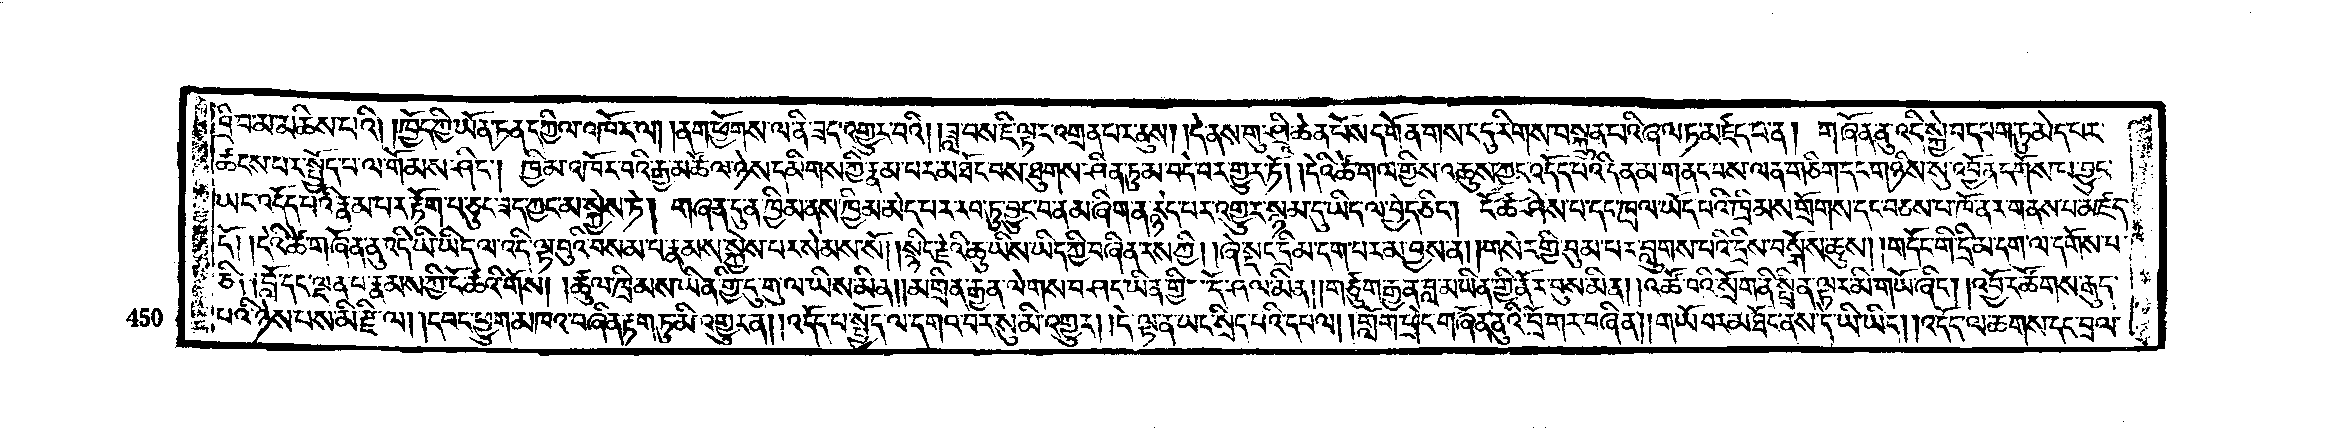བྲི་བ་མ་མཆིས་པའི། །ཁྱོད་ཀྱི་ཡོན་ཏན་དཀྱིལ་འཁོར་ལ། །ནག་ཕྱོགས་ལ་ནི་ཟད་འགྱུར་བའི། །ཟླ་བས་ཇི་ལྟར་འགྲན་པར་ནུས། །དེ་ནས་གུ་ཤྲཱི་ཆེན་པོས་དགོན་གསར་དུ་རིགས་བསྐྲུན་པའི་ཞལ་ཏ་མཛད་པ་ན། གཞོན་ནུ་འདི་སྐྱེ་བ་དཔག་ཏུ་མེད་པར་
ཚངས་པར་སྤྱོད་པ་ལ་གོམས་ཤིང་། ཁྱིམ་འཁོར་བའི་རྒྱ་མཚོ་ལ་ཉེས་དམིགས་ཀྱི་རྣམ་པར་མཐོང་བས་ཐུགས་ཤིན་ཏུ་མ་བདེ་བར་གྱུར་ཏོ། །དེའི་ཚེ་གལ་གྱིས་འཆུས་ཀྱང་འདོད་པའི་དོན་མ་གནང་བས་ལན་གཅིག་དང་གཉིས་སུ་འབྱོན་དགོས་པ་བྱུང་
ཡང་འདོད་པའི་རྣམ་པར་རྟོག་པ་ཅུང་ཟད་ཀྱང་མ་སྐྱེས་ཏེ། གཞན་དུ་ན་ཁྱིམ་ནས་ཁྱིམ་མེད་པར་རབ་ཏུ་བྱུང་བ་ནམ་ཞིག་ན་རྙེད་པར་འགྱུར་སྙམ་དུ་ཡིད་ལ་བྱེད་ཅིང་། ངོ་ཚ་ཤེས་པ་དང་ཁྲེལ་ཡོད་པའི་ཁྲིམས་གྲོགས་དང་བཅས་པ་ཁོ་ནར་གནས་པ་མཛད་
དོ། །དེའི་ཚེ་གཞོན་ནུ་འདི་ཡི་ཡིད་ལ་འདི་ལྟ་བུའི་བསམ་པ་རྣམས་སྐྱེས་པར་སེམས་སོ། །སྙིང་རྗེའི་ཆུ་ཡིས་ཡིད་ཀྱི་བཞིན་རས་ཀྱི། །ཞེ་སྡང་དྲི་མ་དག་པར་མ་བྱས་ན། །གསེར་གྱི་བུམ་པར་བླུགས་པའི་དྲིས་བསྒོས་ཆུས། །གདོང་གི་དྲི་མ་དག་ལ་དགོས་པ་
ཅི༑ ༑བློ་དང་ལྡན་པ་རྣམས་ཀྱི་ངོ་ཚའི་གོས། །ཚུལ་ཁྲིམས་ཡིན་གྱི་དུ་གུ་ལ་ཡིས་མིན། །མགྲིན་རྒྱན་ལེགས་བཤད་ཡིན་གྱི་དོ་ཤལ་མིན། །གཙུག་རྒྱན་བླ་མ་ཡིན་གྱི་ནོར་བུས་མིན། །འཚོ་བའི་སྲོག་ནི་སྤྲིན་ལྟར་མི་གཡོ་ཞིང་། །འབྱོར་ཚོགས་རྒྱུད་
པའི་ཉེས་པས་མི་རྫི་ལ། །དབང་ཕྱུག་མཁའ་བཞིན་རྟག་ཏུ་མི་འགྱུར་ན། །འདོད་པ་སྤྱོད་ལ་དགའ་བར་སུ་མི་འགྱུར། །དེ་ལྟ་ན་ཡང་སྲིད་པའི་དཔལ། །གློག་ཕྲེང་གཞོན་ནུའི་བྲོ་གར་བཞིན། །གཡོ་བར་མཐོང་ནས་དེ་ཡི་ཡིད། །འདོད་ལ་ཆགས་དང་བྲལ་